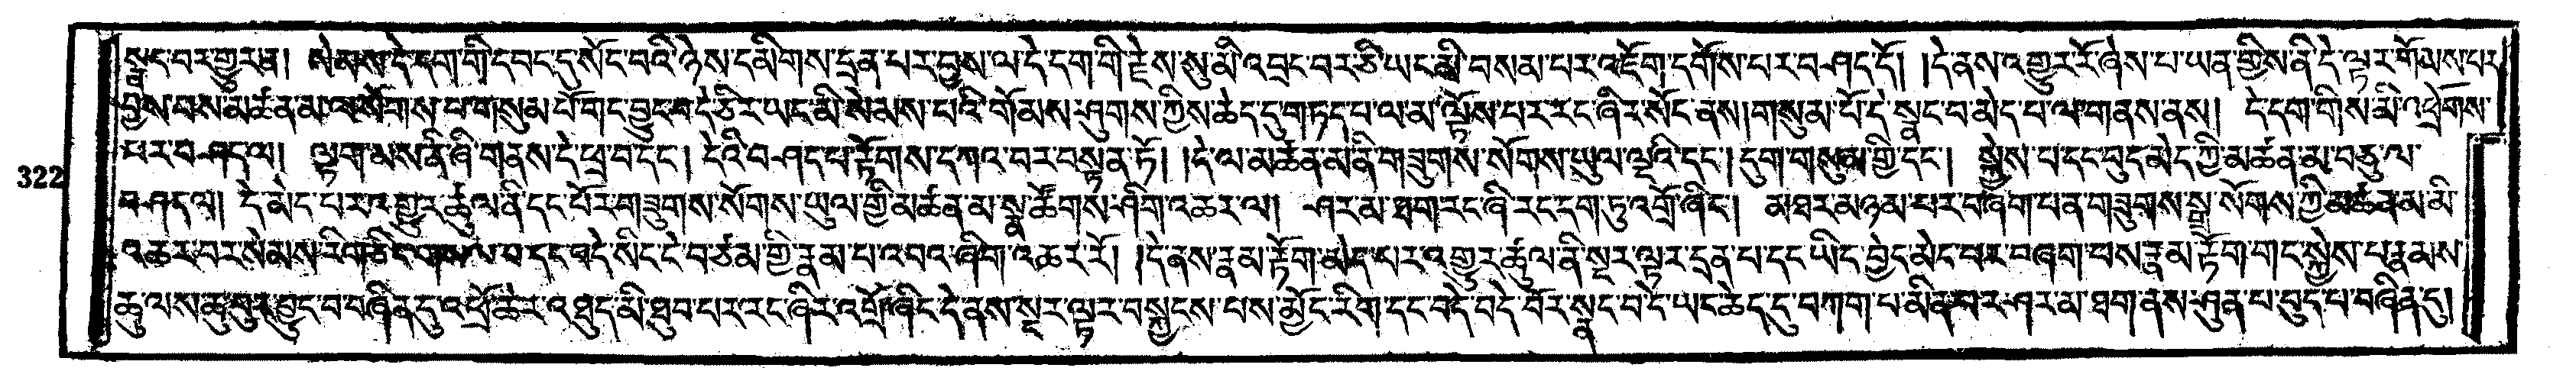སྣད་བར་གྱུར་ན། སེམས་དེ་དག་གི་དབང་དུ་སོང་བའི་ཉེས་དམིགས་དྲན་པར་བྱས་ལ་དེ་དག་གི་རྗེས་སུ་མི་འབྲང་བར་ཅི་ཡང་མི་བསམ་པར་འཇོག་དགོས་པར་བཤད་དོ། །དེ་ནས་འགྱུར་རོ་ཞེས་པ་ཡན་གྱིས་ནི་དེ་ལྟར་གོམས་པར་
བྱས་བས་མཚན་མ་ལ་སོགས་པ་གསུམ་པོ་གང་བྱུང་བ་དེ་ཅིར་ཡང་མི་སེམས་པའི་གོམས་ཤུགས་ཀྱིས་ཆེད་དུ་གཏད་པ་ལ་མ་ལྟོས་པར་རང་ཞིར་སོང་ནས་།གསུམ་པོ་དེ་སྣང་བ་མེད་པ་ལ་གནས་ནས། དེ་དག་གིས་མི་འཕྲོགས་
པར་བཤད་ལ། ལྷག་མས་ནི་ཞི་གནས་དེ་ཕྲ་བ་དང་། དེའི་བཤད་པ་རྟོགས་དཀའ་བར་བསྟན་ཏོ། །དེ་ལ་མཚན་མ་ནི་གཟུགས་སོགས་ཡུལ་ལྔའི་དང་། དུག་གསུམ་གྱི་དང་། སྐྱེས་པ་དང་བུད་མེད་ཀྱི་མཚན་མ་བཅུ་ལ་
བཤད་ལ། དེ་མེད་པར་འགྱུར་ཚུལ་ནི་དང་པོར་གཟུགས་སོགས་ཡུལ་གྱི་མཚན་མ་སྣ་ཚོགས་ཤིག་འཆར་ལ། ཤར་མ་ཐག་རང་ཞི་རང་དག་ཏུ་འགྲོ་ཞིང་། མཐར་མཉམ་པར་བཞག་པ་ན་གཟུགས་སྒྲ་སོགས་ཀྱི་མཚན་མ་མི་
འཆར་བར་སེམས་རིག་ཅིང་གསལ་བ་དང་བདེ་སིང་ངེ་བ་ཙམ་གྱི་རྣམ་པ་འབའ་ཞིག་འཚར་རོ། །དེ་ནས་རྣམ་རྟོག་མེད་པར་འགྱུར་ཚུལ་ནི་སྔར་ལྟར་དྲན་པ་དང་ཡིད་བྱེད་མེད་པར་བཞག་བས་རྣམ་རྟོག་གང་སྐྱེས་པ་རྣམས་
ཆུ་ལས་ཆུ་བུར་བྱུང་བཞིན་དུ་འཕྲོ་ཆེར་འཐུད་མི་ཐུབ་པར་རང་ཞིར་འགྲོ་ཞིང་དེ་ནས་སྔར་ལྟར་བསྐྱངས་པས་མྱོང་རིག་དང་བདེ་བདེ་བར་སྣང་བ་དེ་ཡང་ཆེད་དུ་བཀག་པ་མིན་བར་ཤར་མ་ཐག་ནས་ཤུན་པ་བུད་པ་བཞིན་དུ།